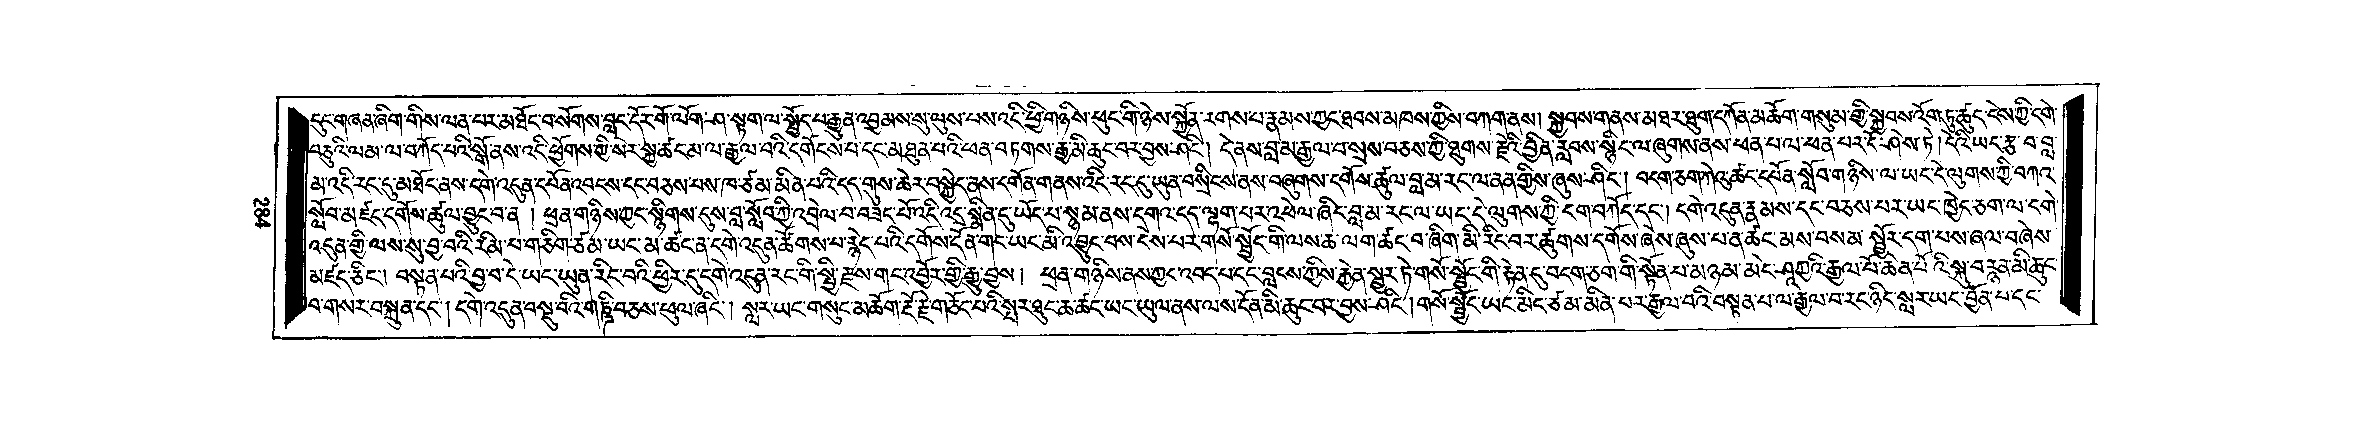དུང་གཞན་ཞིག་གིས་ལན་པར་མཐོང་བ་སོགས་བླང་དོར་གོ་ལོག་ཤ་སྟག་ལ་སྤྱོད་པ་རྒྱུན་འབྱམས་སུ་ལུས་པས་འདི་ཕྱི་གཉིས་ཕུང་གི་ཉེས་སྐྱོན་རགས་པ་རྣམས་ཀྱང་ཐབས་མཁས་ཀྱིས་བཀག་ནས། སྐྱབས་གནས་མཐར་ཐུག་དཀོན་མཆོག་གསུམ་གྱི་སྐྱབས་འོག་ཏུ་ཚུད་ངེས་ཀྱི་དགེ་
བཅུའི་ལམ་ལ་བཀོད་པའི་སྒོ་ནས་འདི་ཕྱོགས་ཀྱི་སེར་སྐྱ་ཚང་མ་ལ་རྒྱལ་བའི་དགོངས་པ་དང་མཐུན་པའི་ཕན་བཏགས་རྒྱ་མི་ཆུང་བར་བྱས་ཤིང་། དེ་ནས་བླ་མ་རྒྱལ་བ་སྲས་བཅས་ཀྱི་ཐུགས་རྗེའི་བྱིན་རླབས་སྙིང་ལ་ཞུགས་ནས་ཕན་པ་ལ་ཕན་པར་ངོ་ཤེས་ཏེ། དེའི་ཡང་རྩ་བ་བླ་
མ་འདི་རང་དུ་མཐོང་ནས་དགེ་འདུན་དཔོན་འབངས་དང་བཅས་པས་ཁ་ཙམ་མིན་པའི་དད་གུས་ཆེར་བསྐྱེད་ནས་དགོན་གནས་འདི་རང་དུ་ཡུན་བསྲིངས་ནས་བཞུགས་དགོས་ཚུལ་བླ་མ་རང་ལ་ནན་གྱིས་ཞུས་ཤིང་། བདག་ཅག་ཀེའུ་ཚང་དཔོན་སློབ་གཉིས་ལ་ཡང་དེ་ལུགས་ཀྱི་བཀའ་
སློབ་མཛད་དགོས་ཚུལ་བྱུང་བ་ན། ཕྲན་གཉིས་ཀྱང་སྙིགས་དུས་བླ་སློབ་ཀྱི་འབྲེལ་བ་བཟང་པོ་འདི་འདྲ་སྨིན་དུ་ཡོད་པ་སྙམ་ནས་དགའ་དད་ལྷག་པར་འཕེལ་ཞིང་བླ་མ་རང་ལ་ཡང་དེ་ལུགས་ཀྱི་ངག་བཀོད་དང་། དགེ་འདུན་རྣམས་དང་བཅས་པར་ཡང་ཁྱེད་ཅག་ལ་དགེ་
འདུན་གྱི་ལས་སུ་བྱ་བའི་རིམ་པ་གཅིག་ཙམ་ཡང་མ་ཚང་ན་དགེ་འདུན་ཚོགས་པ་རྙེད་པའི་དགོས་དོན་གང་ཡང་མི་འབྱུང་བས་ངེས་པར་གསོ་སྦྱོང་གི་ལས་ཆ་ལག་ཚང་བ་ཞིག་མི་རིང་བར་ཚུགས་དགོས་ཞེས་ཞུས་པ་ན་ཚང་མས་བསམ་སྦྱོར་དག་པས་ཞལ་བཞེས་
མཛད་ཅིང་། བསྟན་པའི་བྱ་བ་དེ་ཡང་ཡུན་རིང་བའི་ཕྱིར་དུ་དགེ་འདུན་རང་གི་སྤྱི་རྫས་གང་འབྱོར་གྱི་རྒྱུ་བྱས། ཕྲན་གཉིས་ནས་ཀྱང་འབད་པ་དང་བླངས་ཀྱིས་རྐྱེན་སྦྱར་ཏེ་གསོ་སྦྱོང་གི་རྟེན་དུ་བདག་ཅག་གི་སྟོན་པ་མཉམ་མེད་ཤཱཀྱའི་རྒྱལ་པོ་ཆེན་པོའི་སྐུ་བརྙན་མི་ཆུང་
བ་གསར་བསྐྲུན་དང་། དགེ་འདུན་བསྡུ་བའི་གཎྜི་བཅས་ཕུལ་ཞིང་། སླར་ཡང་གསུང་མཆོག་རྡོ་རྗེ་གཅོད་པའི་སྤར་ཐུང་ཆ་ཚང་ཡང་ཡུལ་ནས་ལས་དོན་མི་ཆུང་བར་བྱས་ཤིང་། གསོ་སྦྱོང་ཡང་མིང་ཙམ་མིན་པར་རྒྱལ་བའི་བསྟན་པ་ལ་རྒྱལ་བ་རང་ཉིད་སླར་ཡང་བྱོན་པ་དང་